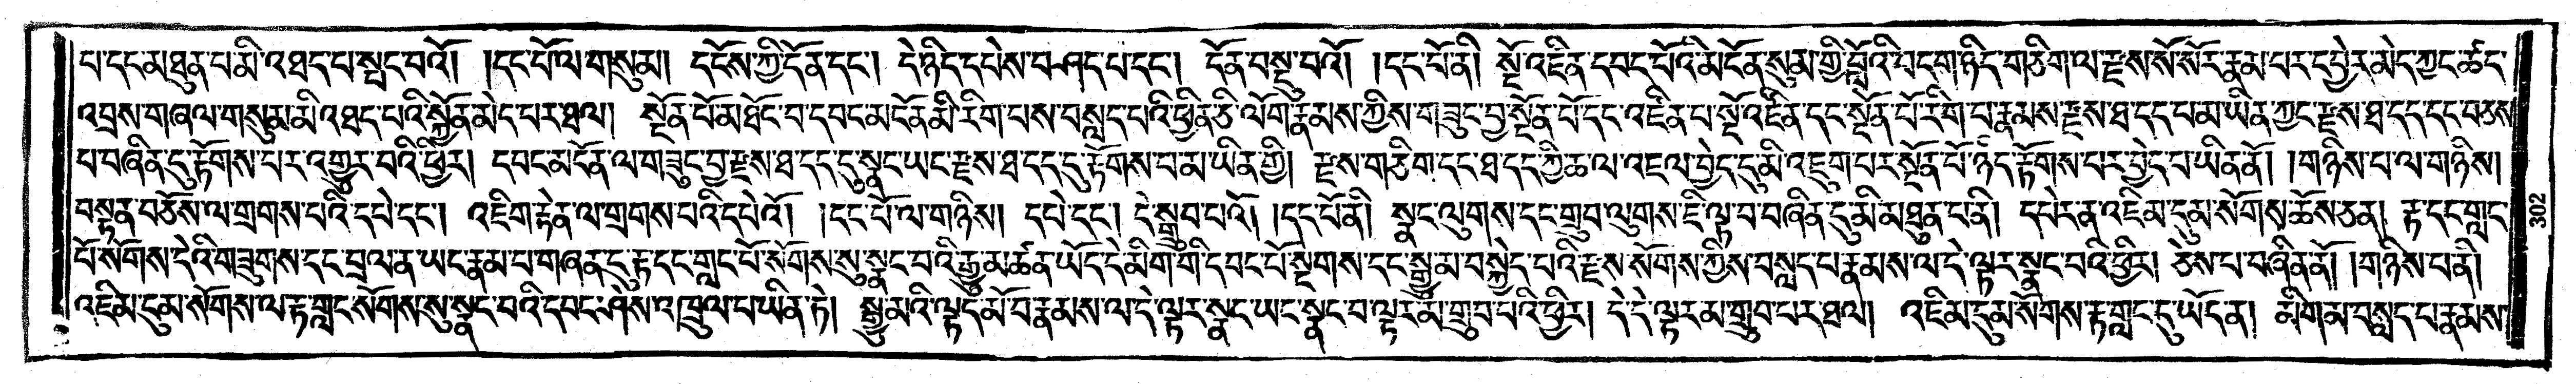པ་དང་མཐུན་པ་མི་འཐད་པ་སྤང་པའོ། །དང་པོ་ལ་གསུམ། དངོས་ཀྱི་དོན་དང་། དེ་ཉིད་དཔེས་བཤད་པ་དང་། དོན་བསྡུ་བའོ། །དང་པོ་ནི། སྔོ་འཛིན་དབང་པོའི་མངོན་སུམ་གྱི་བློའི་བདག་ཉིད་གཅིག་ལ་རྫས་སོ་སོར་རྣམ་པར་དབྱེར་མེད་ཀྱང་ཚད་
འབྲས་གཞལ་གསུམ་མི་འཐད་པའི་སྐྱོན་མེད་པར་ཐལ། སྔོན་པོ་མཐོང་བ་དབང་མངོན་མི་རིག་པས་བསླད་པའི་ཕྱིན་ཅི་ལོག་རྣམས་ཀྱིས་གཟུང་བྱ་སྔོན་པོ་དང་འཛིན་པ་སྔོ་འཛིན་དང་སྔོན་པོ་རིག་པ་རྣམས་རྫས་ཐ་དད་པ་མ་ཡིན་ཀྱང་རྫས་ཐ་དད་དང་བཅས་
པ་བཞིན་དུ་རྟོགས་པར་འགྱུར་བའི་ཕྱིར། དབང་མངོན་ལ་གཟུང་བྱ་རྫས་ཐ་དད་དུ་སྣང་ཡང་རྫས་ཐ་དད་དུ་རྟོགས་པ་མ་ཡིན་གྱི། རྫས་གཅིག་དང་ཐ་དད་ཀྱི་ཆ་ལ་འཇལ་བྱེད་དུ་མི་འཇུག་པར་སྔོན་པོ་ཉིད་རྟོགས་པར་བྱེད་པ་ཡིན་ནོ། །གཉིས་པ་ལ་གཉིས།
བསྟན་བཅོས་ལ་གྲགས་པའི་དཔེ་དང་། འཇིག་རྟེན་ལ་གྲགས་པའི་དཔེའོ། །དང་པོ་ལ་གཉིས། དཔེ་དང་། དེ་སྒྲུབ་པའོ། །དང་པོ་ནི། སྣང་ལུགས་དང་གྲུབ་ལུགས་ཇི་ལྟ་བ་བཞིན་དུ་མི་མཐུན་པ་ནི། དཔེར་ན་འཇིམ་དུམ་སོགས་ཆོས་ཅན། རྟ་དང་གླང་
པོ་སོགས་དེའི་གཟུགས་དང་བྲལ་ན་ཡང་རྣམ་པ་གཞན་དུ་རྟ་དང་གླང་པོ་སོགས་སུ་སྣང་བའི་རྒྱུ་མཚན་ཡོད་དེ་མིག་གི་དབང་པོ་སྔགས་དང་སྒྱུ་མ་བསྐྱེད་པའི་རྫས་སོགས་ཀྱིས་བསླད་པ་རྣམས་ལ་དེ་ལྟར་སྣང་བའི་ཕྱིར། ཅེས་པ་བཞིན་ནོ། །གཉིས་པ་ནི།
འཇིམ་དུ་མ་སོགས་ལ་རྟ་གླང་སོགས་སུ་སྣང་བའི་དབང་ཤེས་འཁྲུལ་པ་ཡིན་ཏེ། སྒྱུ་མའི་ལྟད་མོ་བ་རྣམས་ལ་དེ་ལྟར་སྣང་ཡང་སྣང་བ་ལྟར་མ་གྲུབ་པའི་ཕྱིར། དེ་དེ་ལྟར་མ་གྲུབ་པར་ཐལ། འཇིམ་དུམ་སོགས་རྟ་གླང་དུ་ཡོད་ན། མིག་མ་བསླད་པ་རྣམས་